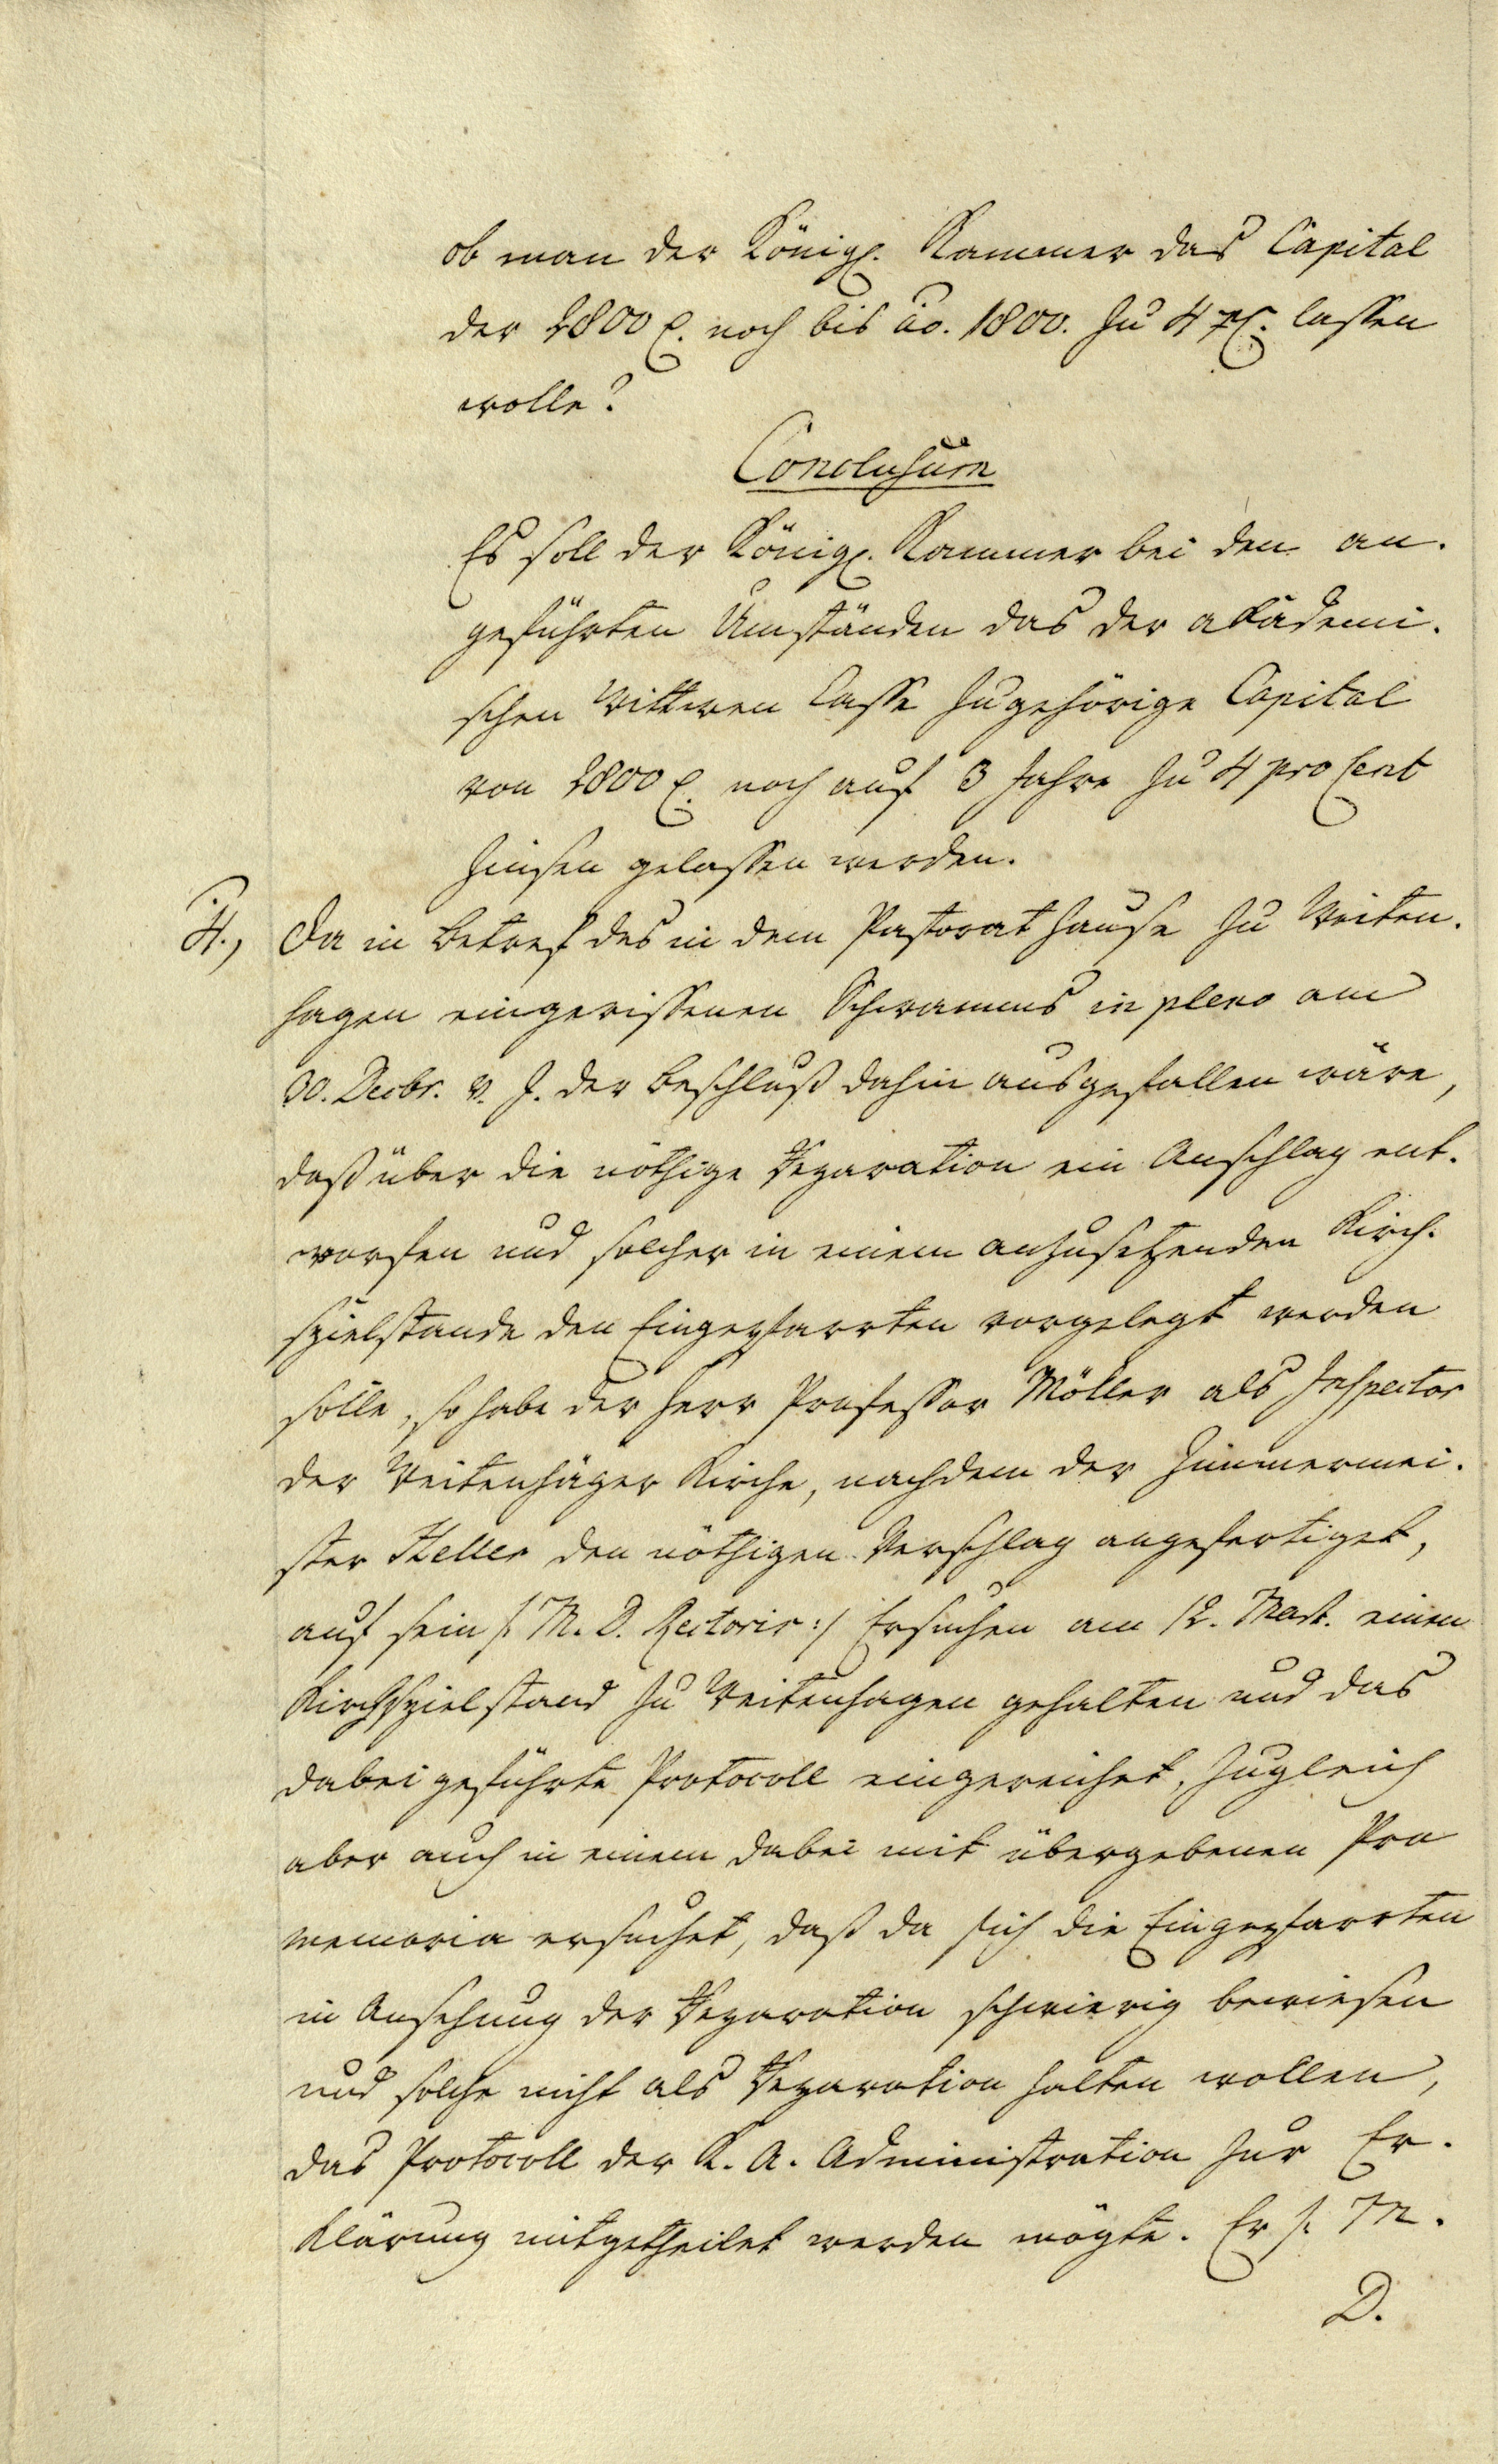ob man der Königl. Kammer das Capital
der 2800 l. noch bis ao. 1800. zu 4 pl. lassen
wolle?
Conclusum
Es soll der Königl. Kammer bei den an¬
geführten Umständen das der akademi¬
schen Wittwen Casse zugehörige Capital
von 2800 l., noch auf 3 Jahre zu 4 pro Cent
Zinsen gelassen werden.
4., Da in Betref des in dem Pastorathause zu Weiten¬
hagen eingerissenen Schwamms in pleno am
30. Decbr. v. J. der Beschluß dahin ausgefallen wäre,
daß über die nöthige Reparation ein Anschlag ent¬
worfen und solcher in einem anzusetzenden Kirch¬
spielstande den Eingepfarrten vorgelegt werden
solle, so habe der Herr Professor Möller als Inspector
der Weitenhäger Kirche, nachdem der Zimmermei¬
ster Heller den nöthigen Verschlag angefertiget,
auf sein /. M. D. Rectoris :/ Ersuchen am 12. Mart. einen
Kirchspielstand zu Weitenhagen gehalten und das
dabei geführte Protocoll eingereichet, zugleich
aber auch in einem dabei mit übergebenen Pro¬
memoria ersuchet, daß da sich die Eingepfarrten
in Ansehung der Reparation schwierig bewiesen
und solche nicht als Reparation halten wollen,
das Protocoll der K. A. Administration zur Er¬
klärung mitgetheilet werden mögte. Er /. M.
D.